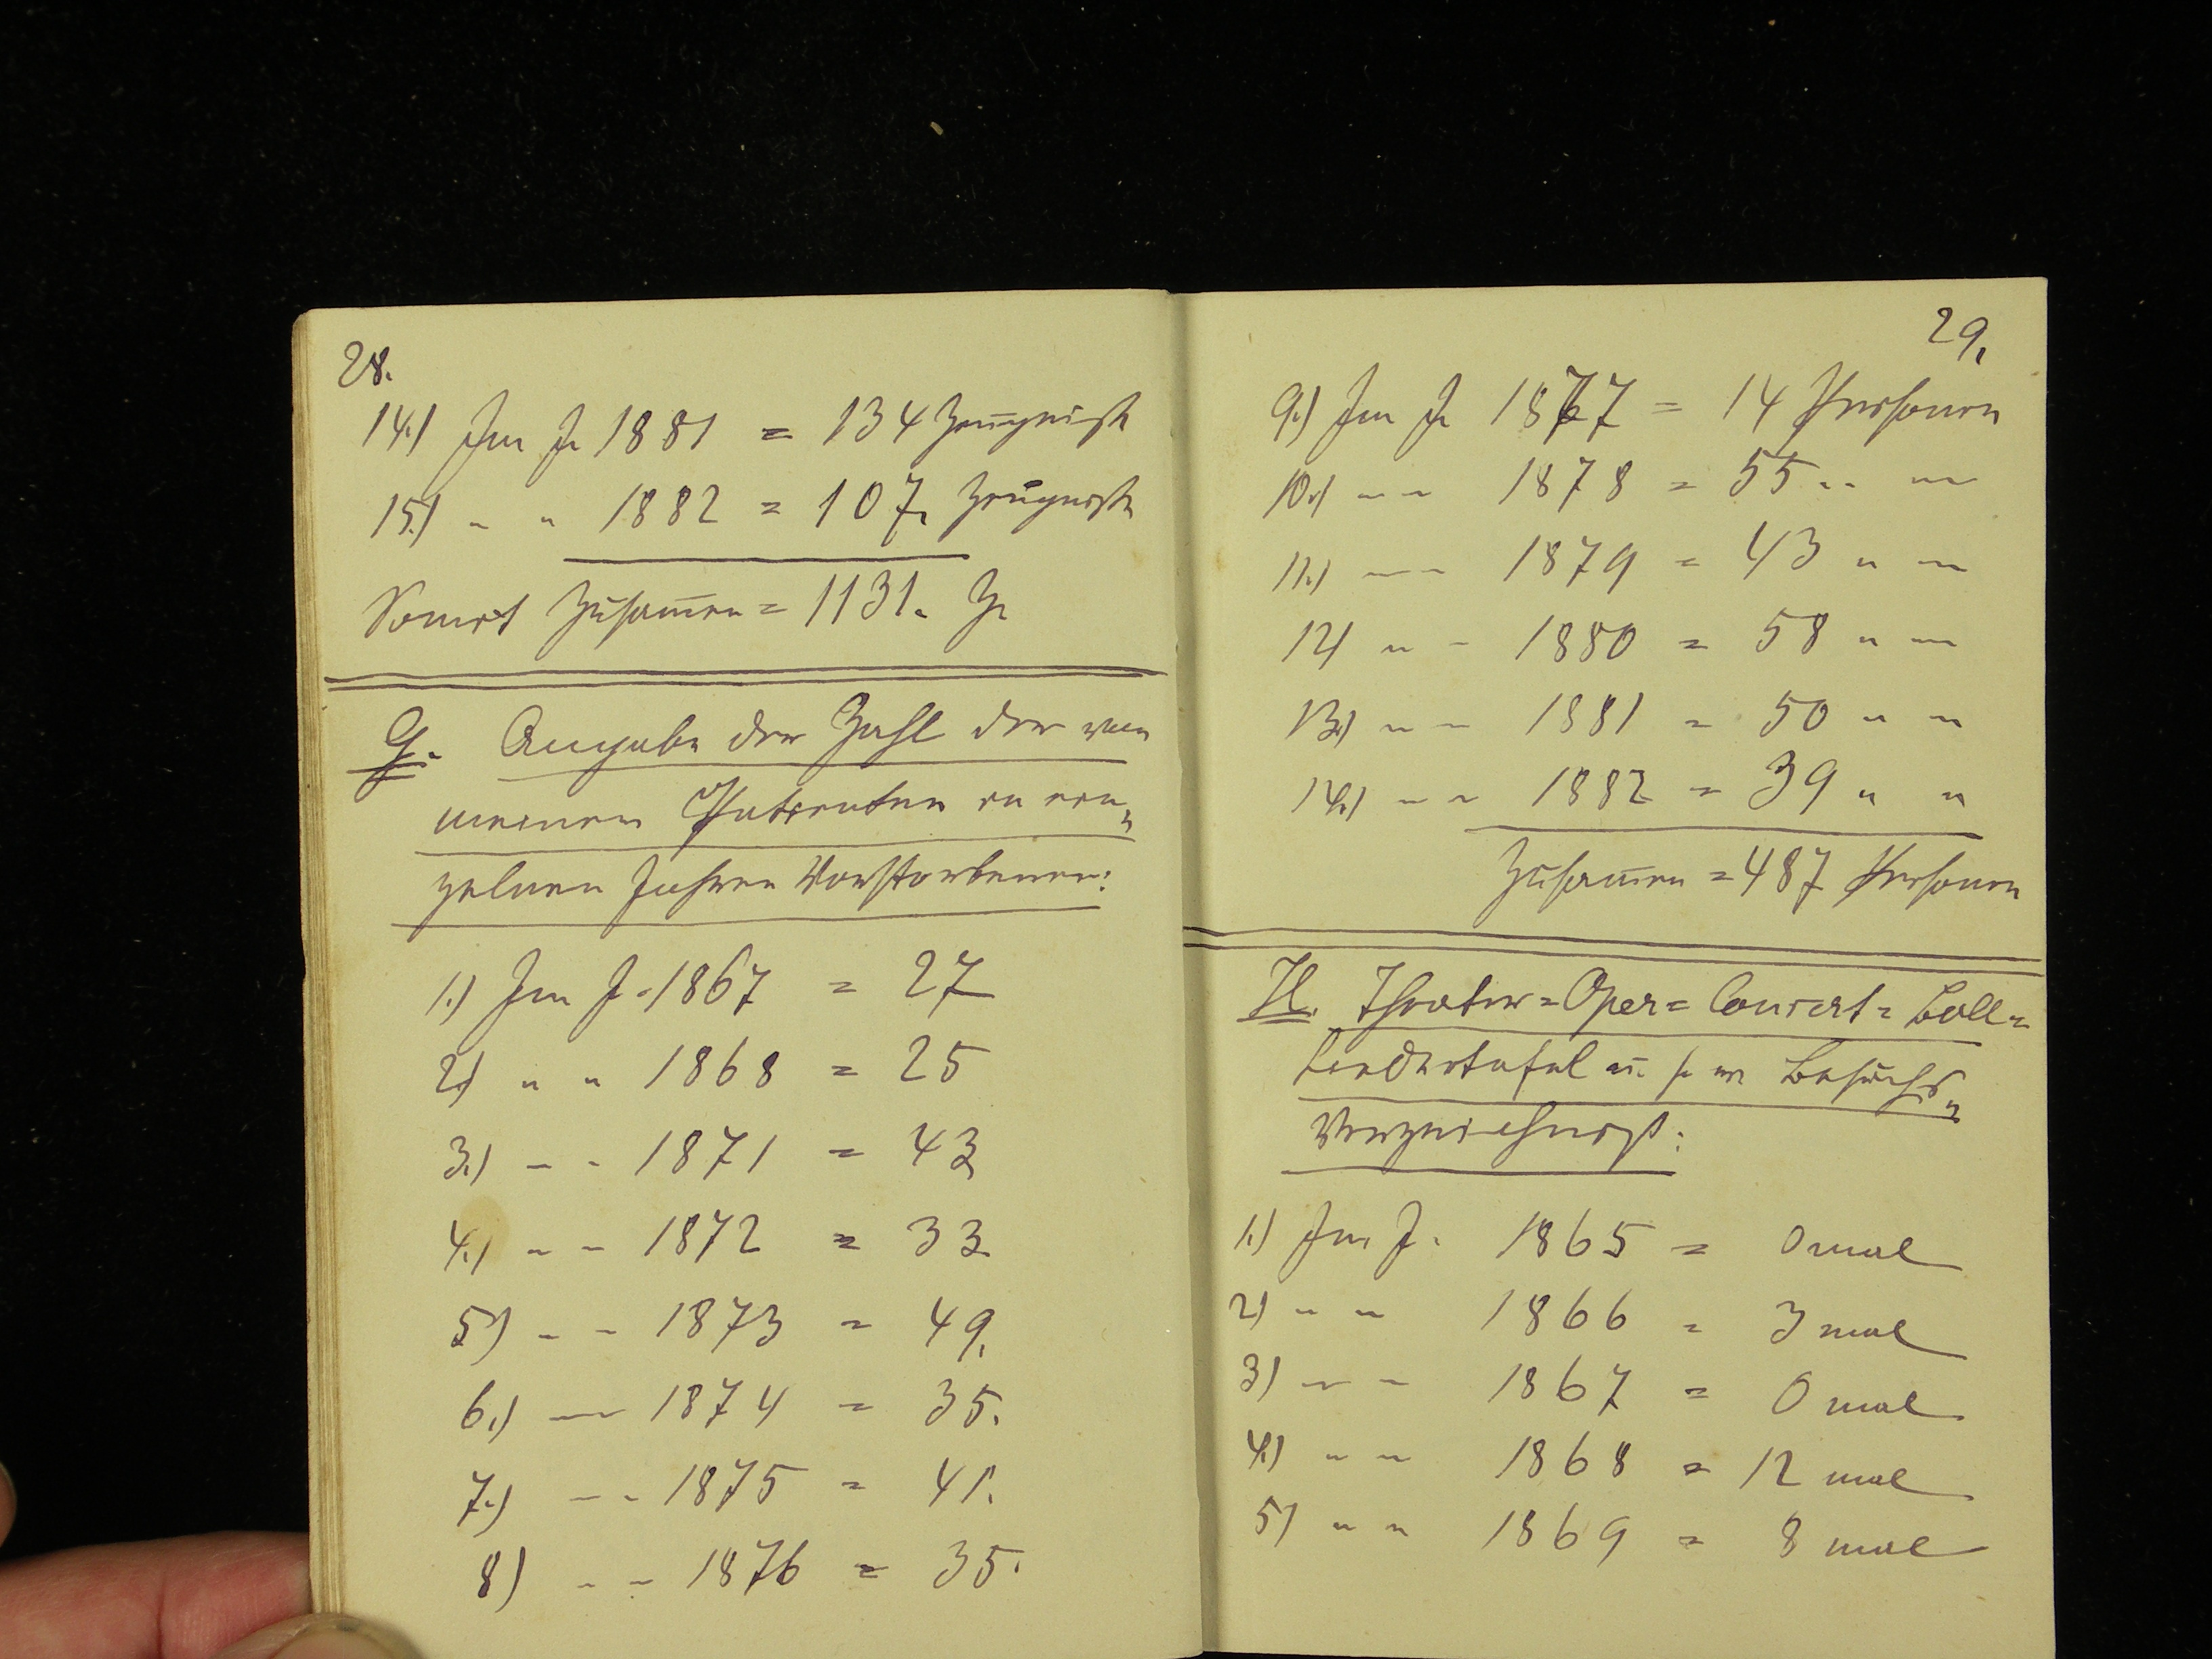28
14) 1881 = 134 *
15) 1882 = 107 *
Somit zusammen = 1131 Zeugniße
G.) Angabe der Zahl der von
meinen Patienten in ein¬
zelnen Jahren Verstorbenen:
1) Im Jahre 1867 = 27 Personen
2) * 1868 = 25
3) * 1871 = 43
4) * 1872 = 33
5) * 1873 = 49
6) * 1874 = 35
7) * 1875 = 41
8) * 1876 = 35
29
9) * 1877 = 14 Personen
10) * 1878 = 55
11) * 1879 = 43
12) * 1880 = 58
13) * 1881 = 50
14) * 1882 = 39
Zusammen = 487 Personen
H. ) Theater-Oper-Concert-
Liedertafel u.s.w. Besuche,
Verzeichniß :
1) Im Jahr 1865 = 0 mal
2) * 1866 = 3 mal
3) * 1867 = 0 mal
4) * 1868 = 12 mal
5) * 1869 = 8 mal